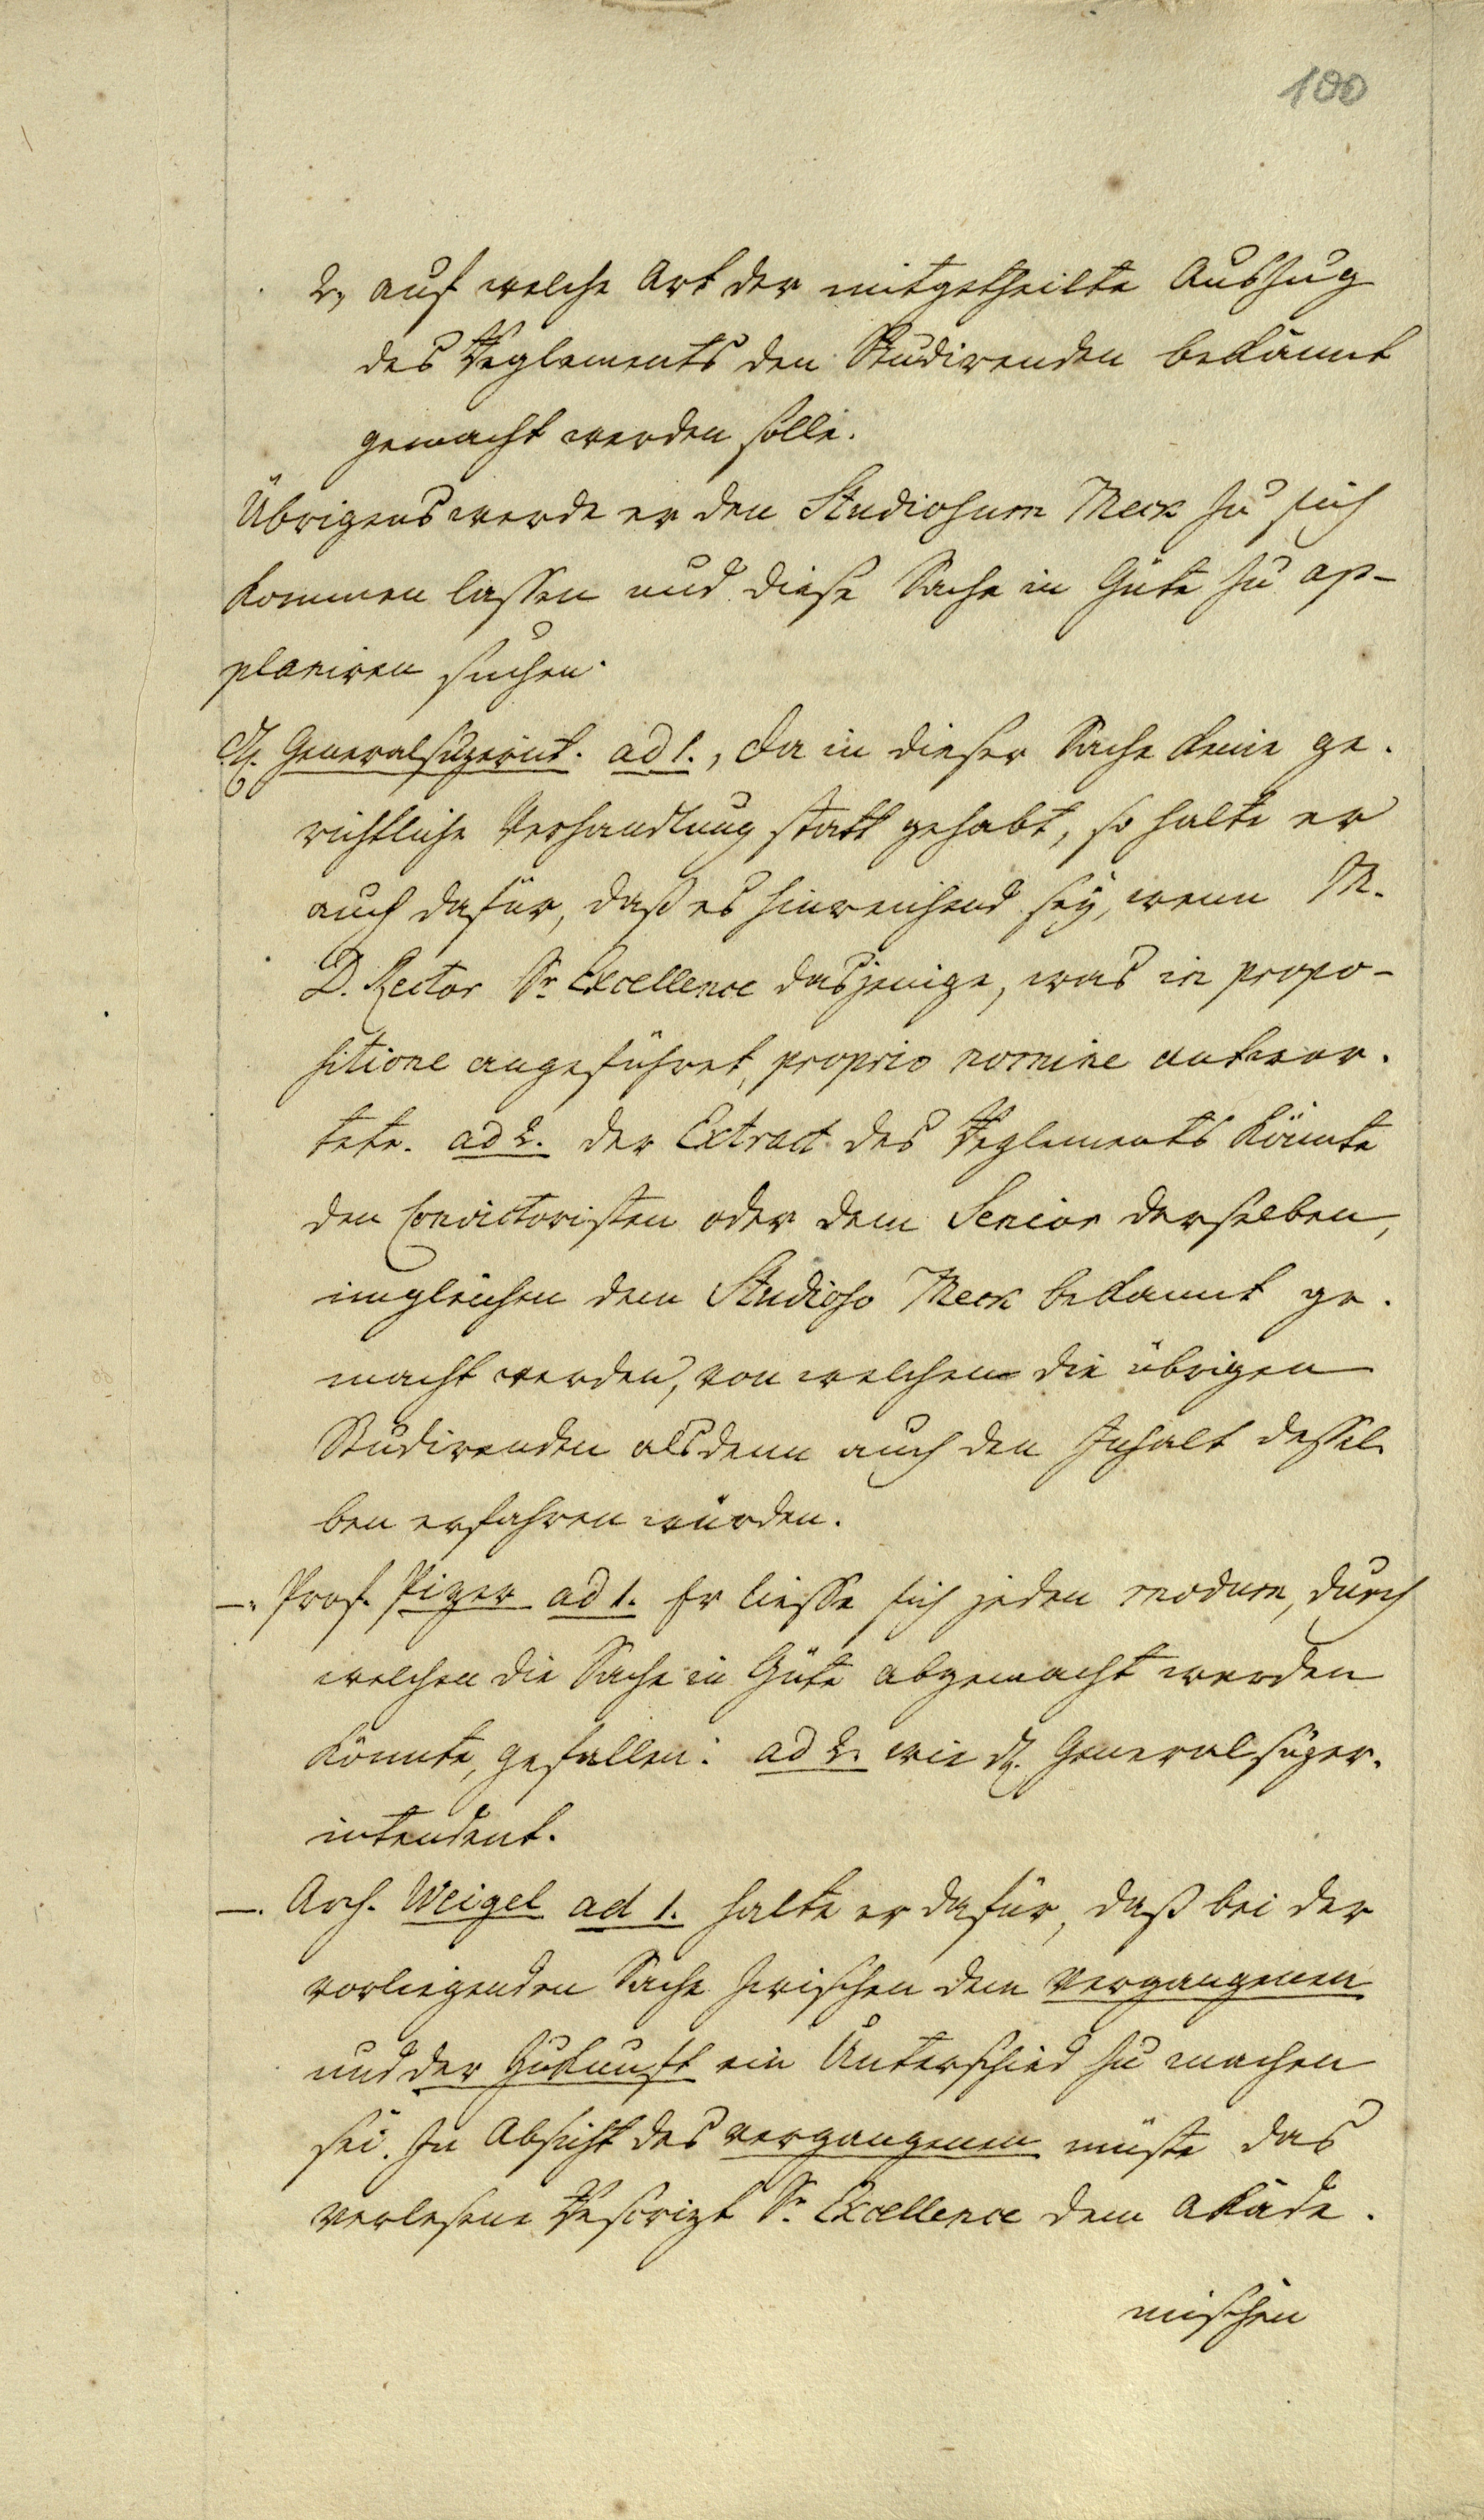2., auf welche Art der mitgetheilte Auszug
des Reglements den Studirenden bekannt
gemacht werden solle.
Übrigens werde er den Studiosum Meck zu sich
kommen lassen und diese Sache in Güte zu ap¬
planiren suchen.
dh. Generalsuperint. ad 1., Da in dieser Sache keine ge¬
richtliche Verhandlung statt gehabt, so halte er
auch dafür, daß es hinreichend seÿ, wenn M.
D. Rector Sr Excellence dasjenige, was in propo¬
sitione angeführet, proprio nomine antwor¬
tete. ad 2. der Extract des Reglements könnte
den Convictoristen oder dem Senior derselben.
imgleichen dem Studioso Meck bekannt ge¬
macht werden, von welchem die übrigen
Studirenden als denn auch den Inhalt dessel¬
ben erfahren würden.
Prof. Piper. ad 1. Er liesse sich jeden modum, durch
welchen die Sache in Güte abgemacht werden
könnte, gefallen. ad 2. wie dh. Generalsuper¬
intendent.
Arch. Weigel ad 1. halte er dafür, daß bei der
vorliegenden Sache zwischen dem vergangenen
und der Zukunft ein Unterschied zu machen
sei. In Absicht des vergangenen müßte das
verlesene Rescript Sr. Excellence dem Akade¬
mischen